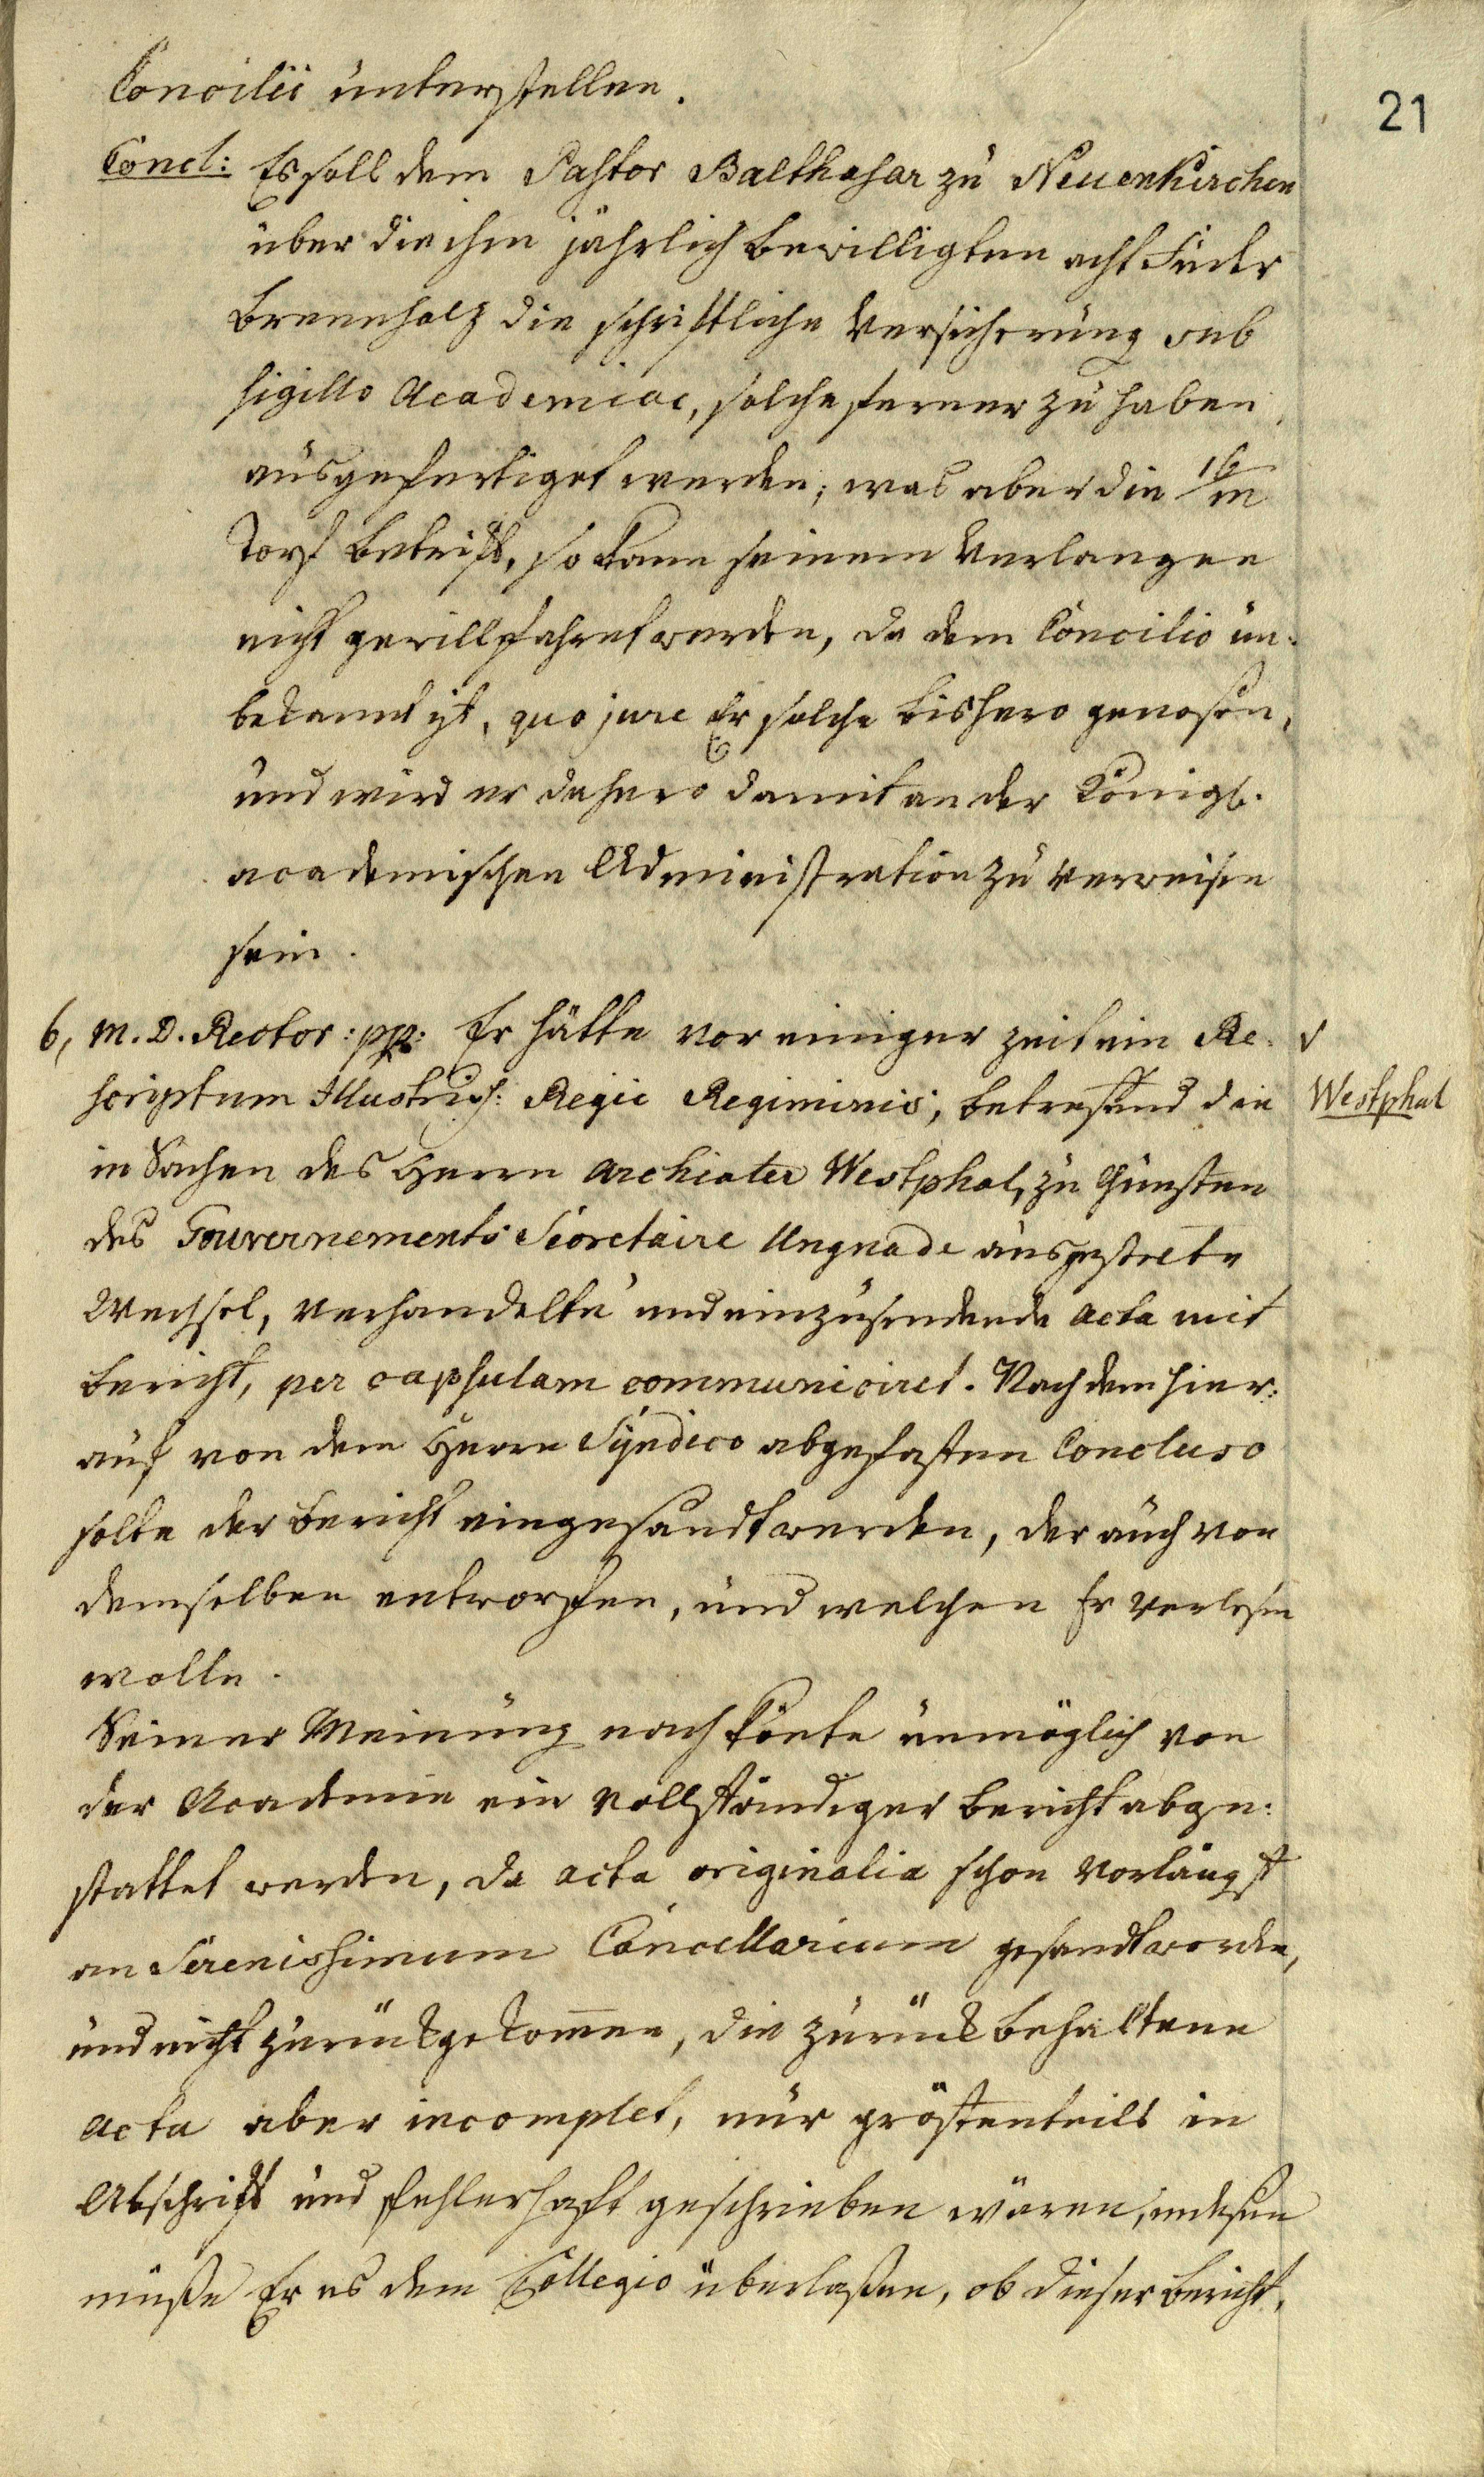Concilii unterstellen.
Concl. Es soll dem Pastor Balthasar zu Neuenkirchen
über die ihm jährlich bewilligten acht Fuder
Brennholz die schriftliche Versicherung sub
sigillo Academiae, solche ferner zu haben,
ausgefertiget werden, was aber die 16/m
Torf betrift, so kann seinem Verlangen
nicht gewillfahret werden, da dem Concilio un¬
bekannt ist, quo jure Er solche bishero genoßen,
und wird er dahero damit an der Königl.
academischen Administration zu verweisen
sein.
6, M. D. Rector pp. Er hätte vor einiger zeit ein Re¬
scriptum Illustriss. Regii Regiminis, betreffend den
in Sachen des Herrn Archiater Westphal zu Gunsten
des Gouvernements Secretaire Ungnade ausgestelte
Wechsel, verhandelte und einzusendende Acta mit
Bericht, per capsulam communiciret. Nachdem hier¬
auf von dem Herrn Sÿndico abgefasten Concluso
solte der Bericht eingesandt werden, der auch von
demselben entworfen, und welchen Er verlesen
wolle.
Seiner Meinung nach könnte unmöglich von
der Academie ein vollständiger Bericht abge¬
stattet werden, da acta originalia schon vorlängst
an Serenissimum Cancellarium gesandt worden,
und nicht zurückgekomen, die zurückbehaltene
Acta aber incomplet, nur gröstenteils in
Abschrift fehlerhaft geschrieben wären, indeßen
müste Er es dem Collegio überlaßen, ob dieser Bericht,